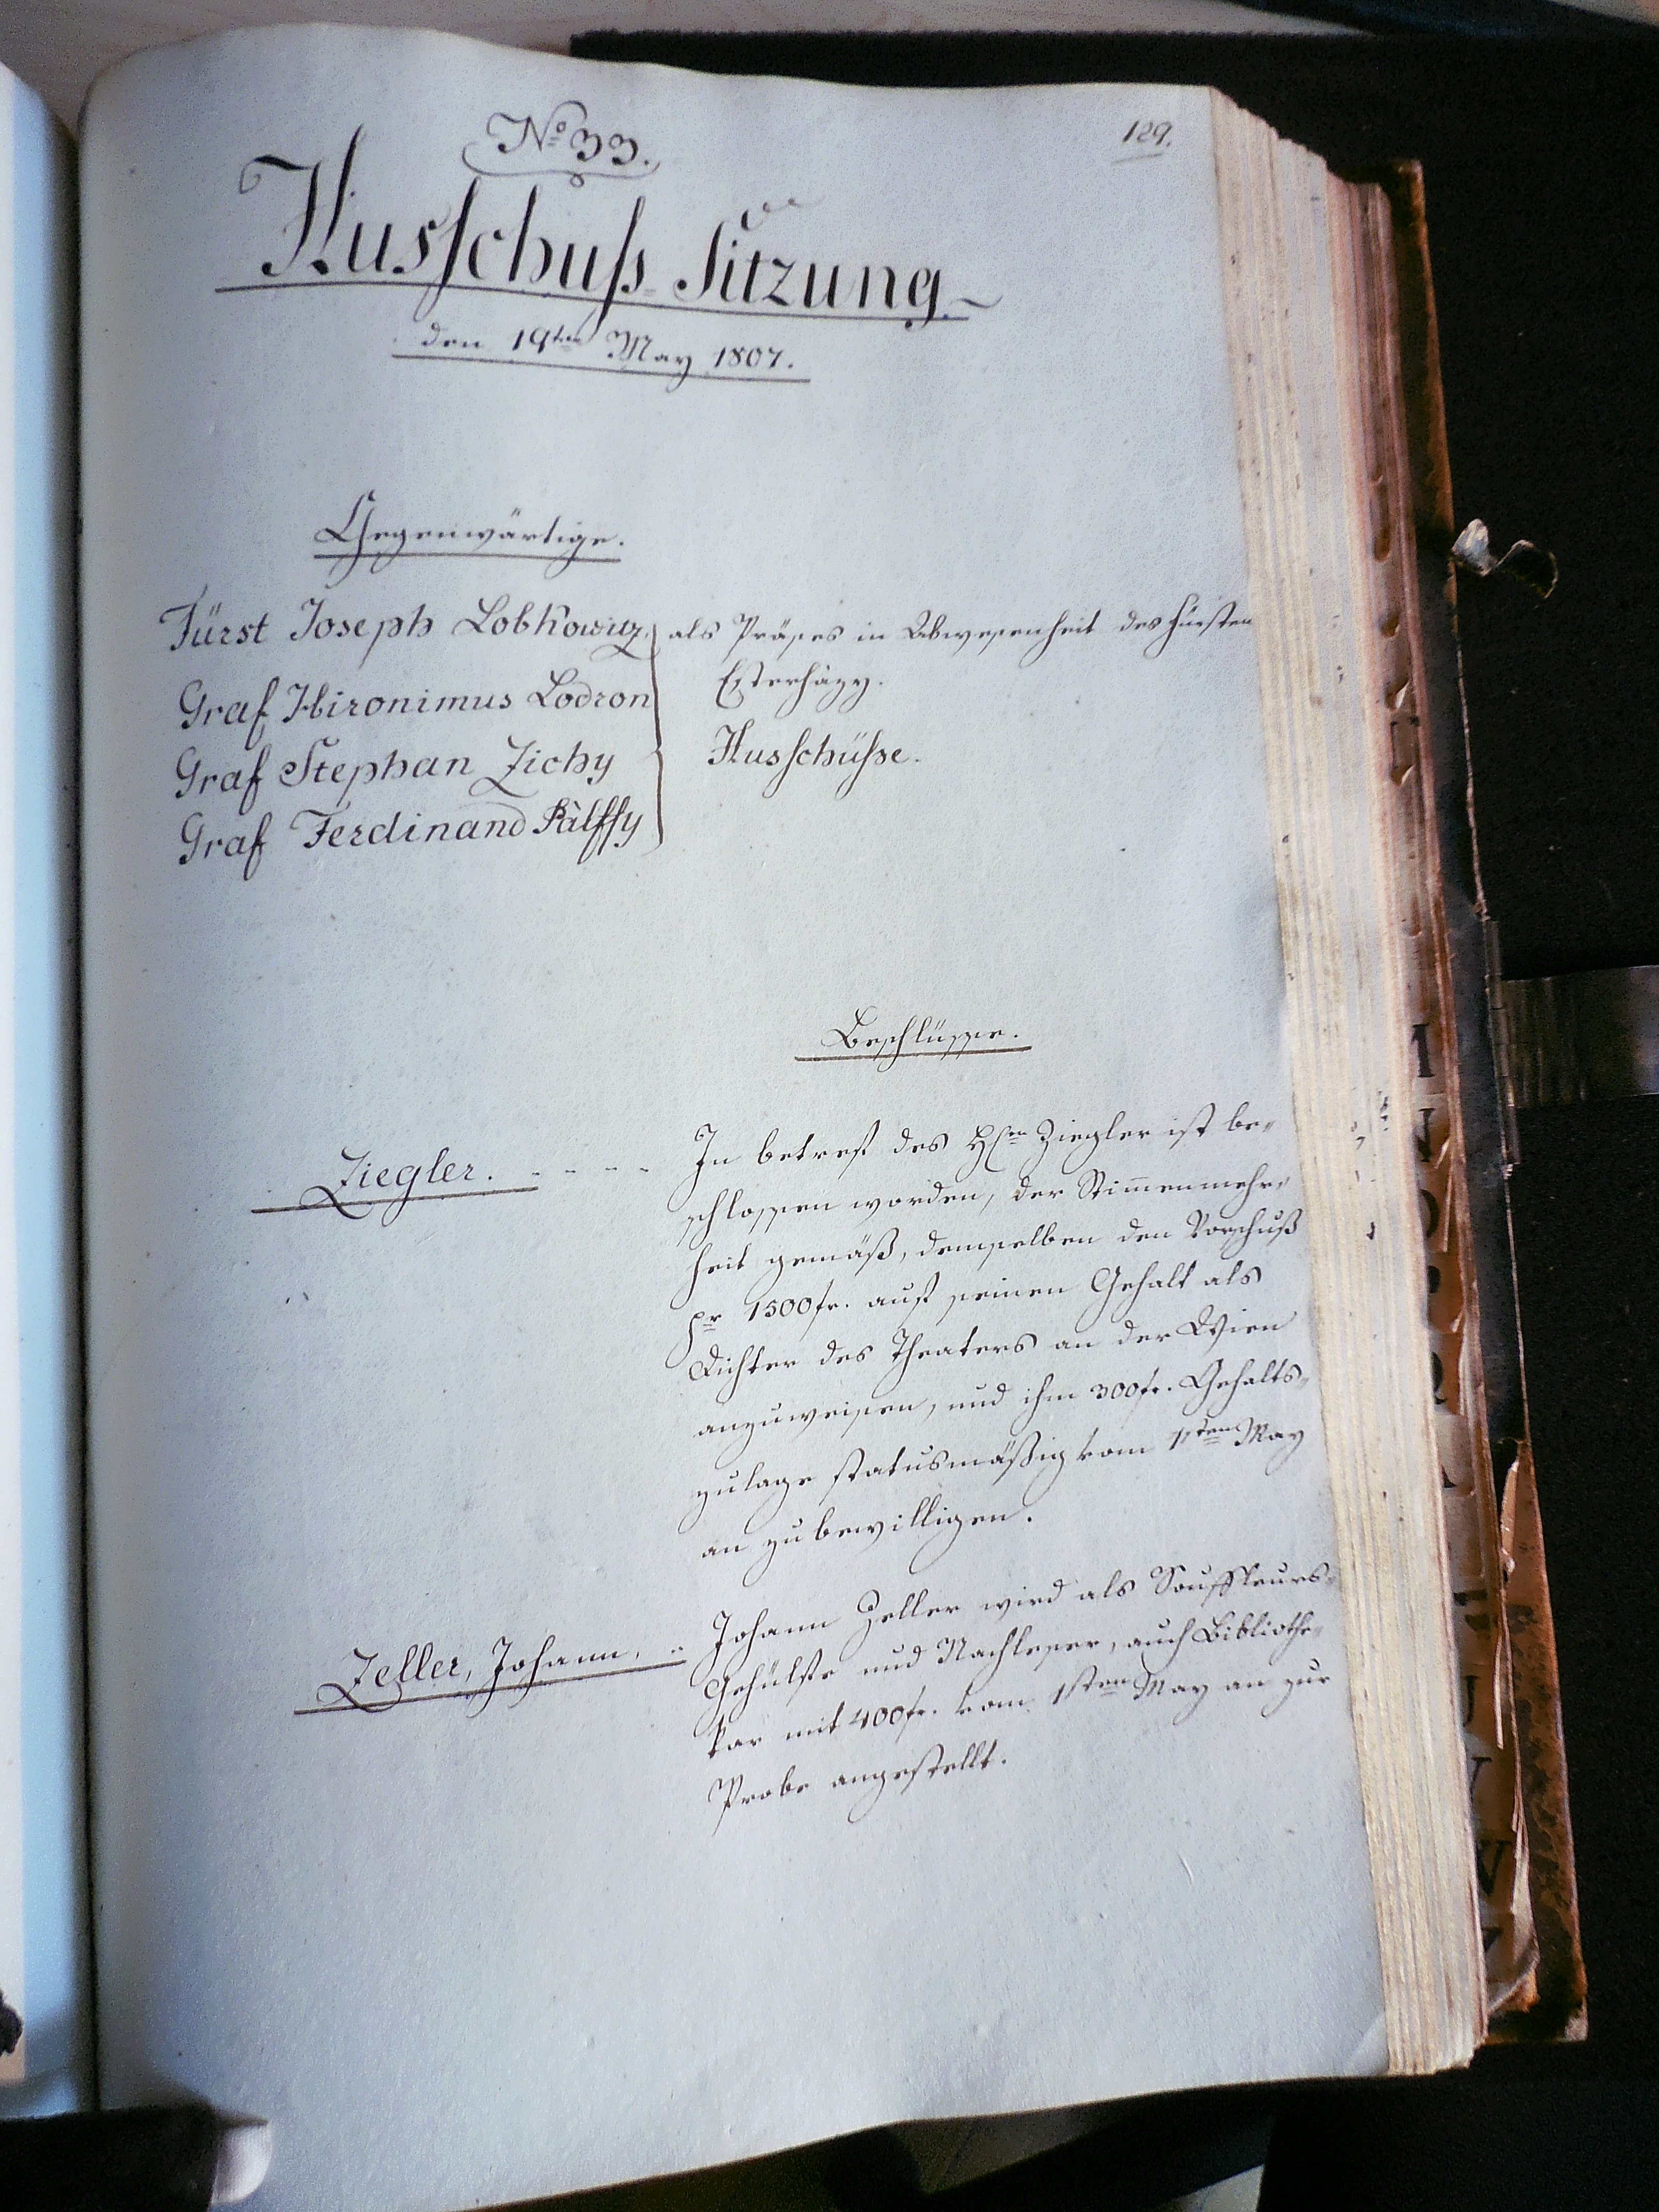129.
No͇ 33.
Ausschuss‗Sitzung.
den 19te͇n May 1807.
Gegenwärtige.
Fürst Joseph Lobkowitz als Präses in Abwesenheit des Fürsten
Esterhàzy.
Graf Hironimus Lodron
Graf Stephan Zichy
Graf Ferdinand Pàlffy
Ausschüsse.
Beschlüsse.
Ziegler. .. .. .. .. In betref des HEr͇n Ziegler ist be¬
schlossen worden, der Stim̅enmehr¬
heit gemäß, demselben den Vorschuß
pr̳ 1500fr. auf seinen Gehalt als
Dichter des Theaters an der Wien
anzuweisen, und ihm 300fr. Gehalts¬
zulage statusmäßig vom 1ste͇n May
an zu bewilligen.
Zeller, Johann. .. Johann Zeller wird als Souffleurs¬
Gehülfe und Nachleser, auch Bibliothe¬
kar mit 400fr. vom 1ste͇n May an zur
Probe angestellt.